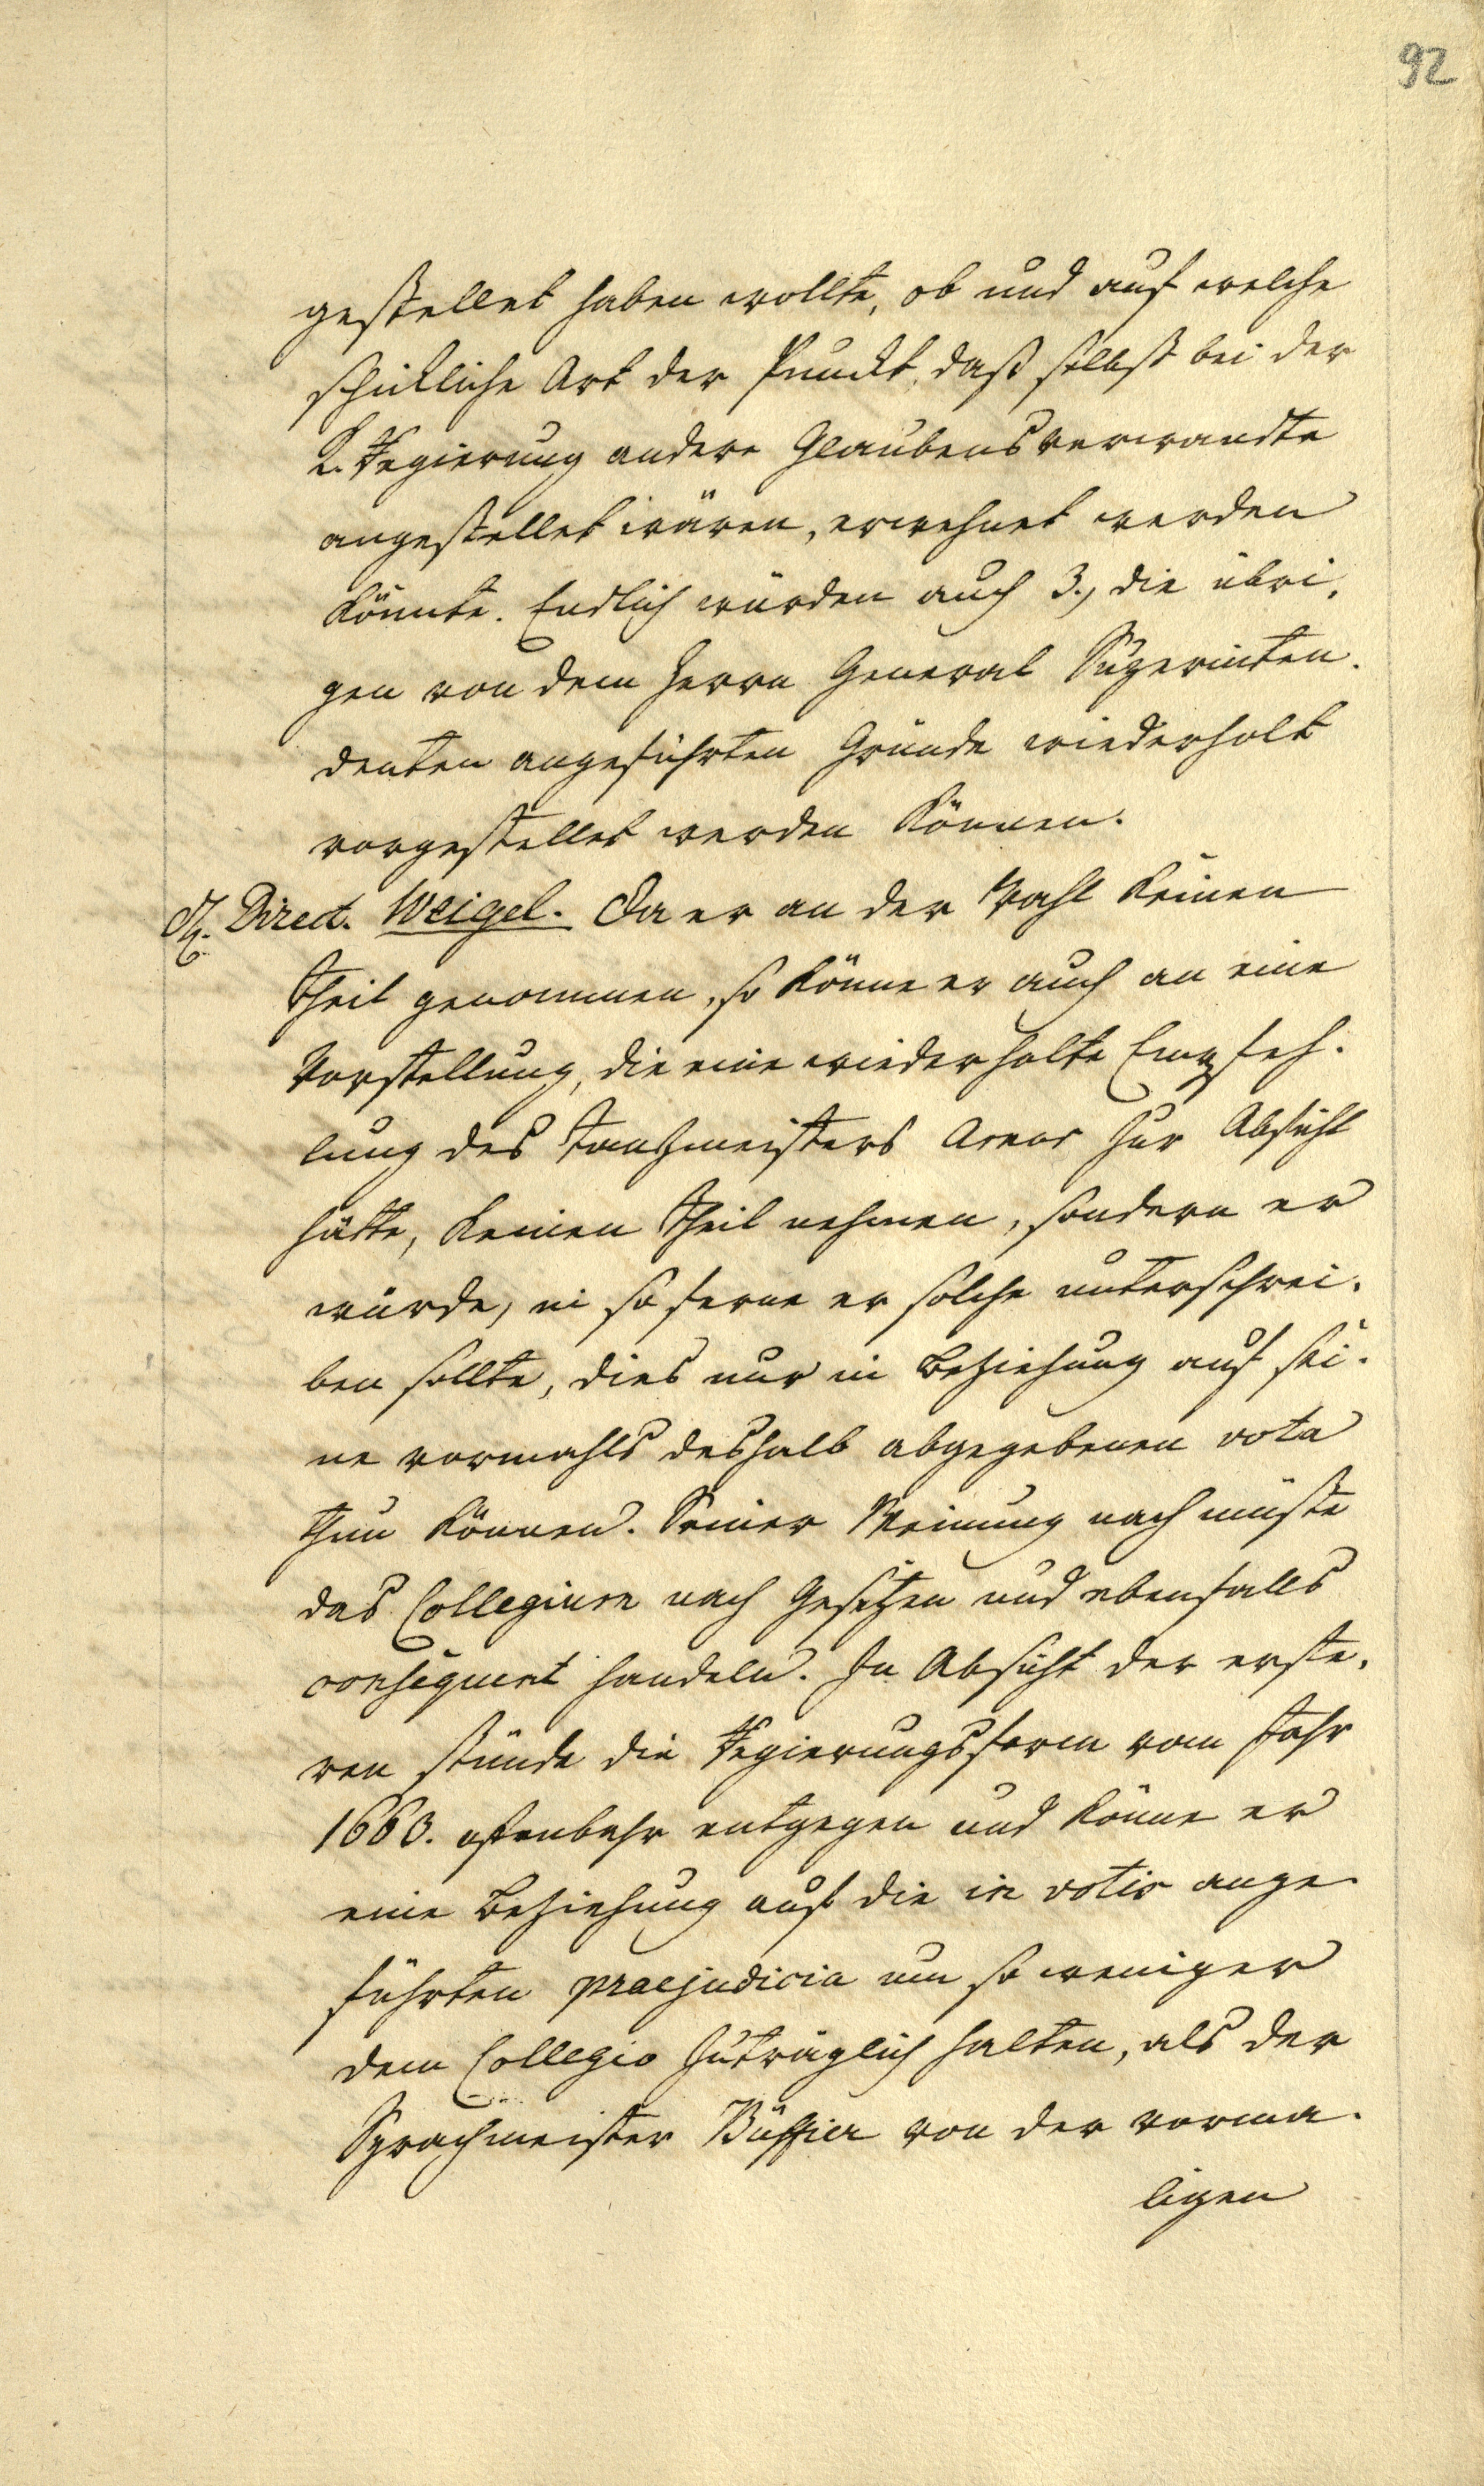gestellet haben wollte, ob und auf welche
schickliche Art der Punckt daß selbst bei der
K. Regierung andere Glaubens verwandte
angestellet wären, erwehnet werden
könnte. Endlich würden auch 3., die übri¬
gen von dem Herrn General Superinten¬
denten angeführten Gründe wiederholt
vorgestellet werden können.
dh. Direct. Weigel. Da er an der Wahl keinen
Theil genommen, so könne er auch an eine
Vorstellung, die eine wiederholte Empfeh¬
lung des Tanzmeisters Amor zur Absicht
hätte, keinen Theil nehmen, sondern er
würde, in so ferne er solche unterschrei¬
ben sollte, dies nur in Beziehung auf sei¬
ne vormahls deshalb abgegebenen vota
thun können. Seiner Meinung nach müßte
das Collegium nach Gesetzen und ebenfalls
consequent handeln. In Absicht der erste¬
ren stünde die Regierungsform vom Jahr
1663. ofanbehr entgegen und könne er
eine Beziehung auf die in votis ange¬
führten praejudicia um so weniger
dem Collegio zuträglich halten, als der
Sprachmeister Büffier von der vorma¬
ligen